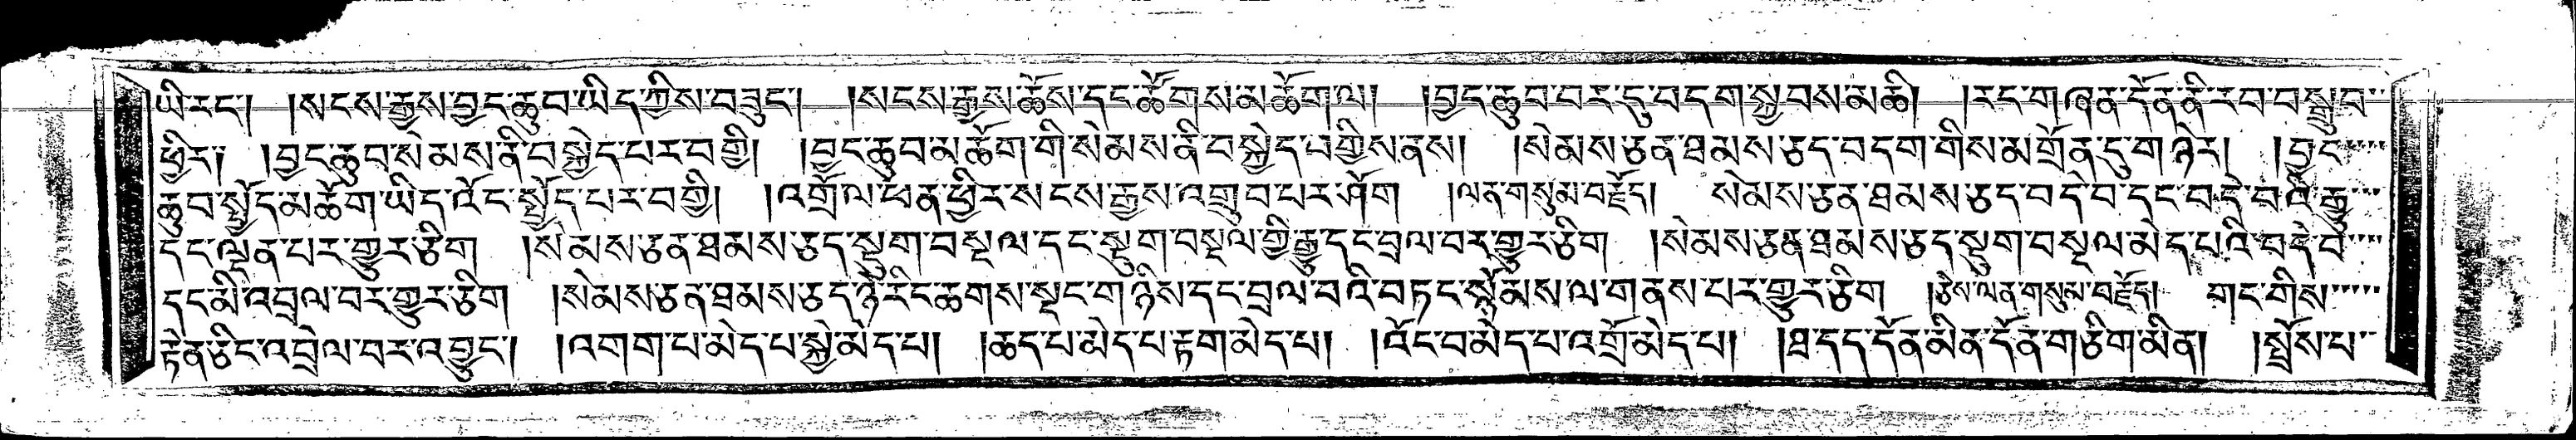ཡི་རང་། །སངས་རྒྱས་བྱང་ཆུབ་ཡིད་ཀྱིས་བཟུང་། །སངས་རྒྱས་ཆོས་དང་ཚོགས་མཆོག་ལ། །བྱང་ཆུབ་བར་དུ་བདག་སྐྱབས་མཆི། །རང་གཞན་དོན་ནི་རབ་བསྒྲུབ་
ཕྱིར༑ །བྱང་ཆུབ་སེམས་ནི་བསྐྱེད་པར་བགྱི། །བྱང་ཆུབ་མཆོག་གི་སེམས་ནི་བསྐྱེད་བགྱིས་ནས། །སེམས་ཅན་ཐམས་ཅད་བདག་གིས་མགྲོན་དུ་གཉེར། །བྱང་
ཆུབ་སྤྱོད་མཆོག་ཡིད་འོང་སྤྱོད་པར་བགྱི། །འགྲོ་ལ་ཕན་ཕྱིར་སངས་རྒྱས་འགྲུབ་པར་ཤོག །ལན་གསུམ་བརྗོད། སེམས་ཅན་ཐམས་ཅད་བདེ་བ་དང་བདེ་བའི་རྒྱུ་
དང་ལྡན་པར་གྱུར་ཅིག །སེམས་ཅན་ཐམས་ཅད་སྡུག་བསྔལ་དང་སྡུག་བསྔལ་གྱི་རྒྱུ་དང་བྲལ་བར་གྱུར་ཅིག །སེམས་ཅན་ཐམས་ཅད་སྡུག་བསྔལ་མེད་པའི་བདེ་བ་
དང་མི་འབྲལ་བར་གྱུར་ཅིག །སེམས་ཅན་ཐམས་ཅད་ཉེ་རིང་ཆགས་སྡང་གཉིས་དང་བྲལ་བའི་བཏང་སྙོམས་ལ་གནས་པར་གྱུར་ཅིག །ཅེས་ལན་གསུམ་བརྗོད། གང་གིས་
རྟེན་ཅིང་འབྲེལ་བར་འབྱུང་། །འགག་པ་མེད་པ་སྐྱེ་མེད་པ། །ཆད་པ་མེད་པ་རྟག་མེད་པ། །འོང་བ་མེད་པ་འགྲོ་མེད་པ། །ཐ་དད་དོན་མིན་དོན་གཅིག་མིན། །སྤྲོས་པ་